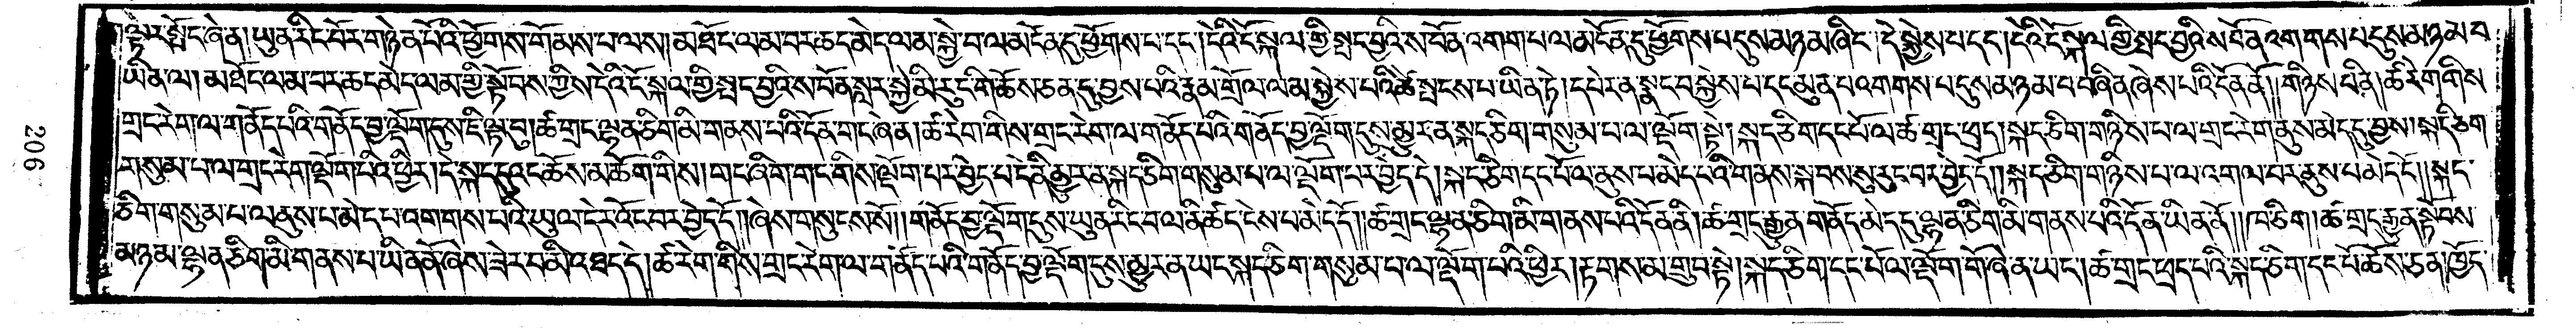ལྟར་སྤོང་ཞེ་ན། ཡུན་རིང་པོར་གཉེན་པོའི་ཕྱོགས་གོམས་པ་ལས། མཐོང་ལམ་བར་ཆད་མེད་ལམ་སྐྱེ་བ་ལ་མངོན་དུ་ཕྱོགས་པ་དང་། དེའི་ངོ་སྐལ་གྱི་སྤང་བྱའི་ས་བོན་འགག་པ་ལ་མངོན་དུ་ཕྱོགས་པ་དུས་མཉམ་ཞིང་། དེ་སྐྱེས་པ་དང་། དེའི་ངོ་སྐལ་གྱི་སྤང་བྱའི་ས་བོན་འགགས་པ་དུས་མཉམ་པ་
ཡིན་ལ། མཐོང་ལམ་བར་ཆད་མེད་ལམ་གྱི་སྟོབས་ཀྱིས་དེའི་ངོ་སྐལ་གྱི་སྤང་བྱའི་ས་བོན་སླར་སྐྱེ་མི་རུང་གི་ཆོས་ཅན་དུ་བྱས་པའི་རྣམ་གྲོལ་ལམ་སྐྱེས་པའི་ཚེ་སྤངས་པ་ཡིན་ཏེ། དཔེར་ན་སྣང་བ་སྐྱེས་པ་དང་མུན་པ་འགགས་པ་དུས་མཉམ་པ་བཞིན་ཞེས་པའི་དོན་ནོ། །གཉིས་པ་ནི། ཚ་རིག་གིས་
གྲང་རེག་ལ་གནོད་པའི་གནོད་བྱ་ལྡོག་དུས་ཇི་ལྟ་བུ། ཚ་གྲང་ལྷན་ཅིག་མི་གནས་པའི་དོན་གང་ཞེ་ན། ཚ་རེག་གིས་གྲང་རེག་ལ་གནོད་པའི་གནོད་བྱ་ལྡོག་དུས་མྱུར་ན་སྐད་ཅིག་གསུམ་པ་ལ་ལྡོག་སྟེ། སྐད་ཅིག་དང་པོ་ལ་ཚ་གྲང་ཕྲད། སྐད་ཅིག་གཉིས་པ་ལ་གྲང་རེག་ནུས་མེད་དུ་བྱས། སྐད་ཅིག་
གསུམ་པ་ལ་གྲང་རེག་ལྡོག་པའི་ཕྱིར། དེ་སྐད་དུའང་ཆོས་མཆོག་གིས། གང་ཞིག་གང་གིས་ལྡོག་པར་བྱེད་པ་དེ་ནི་མྱུར་ན་སྐད་ཅིག་གསུམ་པ་ལ་ལྡོག་པར་བྱེད་དེ། སྐད་ཅིག་དང་པོ་ལ་ནུས་པ་མེད་པའི་གནས་སྐབས་སུ་རུང་བར་བྱེད་དོ། །སྐད་ཅིག་གཉིས་པ་ལ་འགལ་བར་ནུས་པ་མེད་དོ། །སྐད་
ཅིག་གསུམ་པ་ལ་ནུས་པ་མེད་པ་འགགས་པའི་ཡུལ་དེར་འོང་བར་བྱེད་དོ། །ཞེས་གསུངས་སོ། །གནོད་བྱ་ལྡོག་དུས་ཡུན་རིང་བ་ལ་ནི་ཚད་ངེས་པ་མེད་དོ། །ཚ་གྲང་ལྷན་ཅིག་མི་གནས་པའི་དོན་ནི། ཚ་གྲང་རྒྱུན་གནོད་མེད་དུ་ལྷན་ཅིག་མི་གནས་པའི་དོན་ཡིན་ནོ། །ཁ་ཅིག །ཚ་གྲང་རྒྱུན་སྟོབས་
མཉམ་ལྷན་ཅིག་མི་གནས་པ་ཡིན་ནོ་ཞེས་ཟེར་བ་མི་འཐད་དེ། ཚ་རེག་གིས་གྲང་རེག་ལ་གནོད་པའི་གནོད་བྱ་ལྡོག་དུས་མྱུར་ན་ཡང་སྐད་ཅིག་གསུམ་པ་ལ་ལྡོག་པའི་ཕྱིར། རྟགས་མ་གྲུབ་སྟེ། སྐད་ཅིག་དང་པོ་ལ་ལྡོག་གོ་ཞེ་ན་ཡང་། ཚ་གྲང་ཕྲད་པའི་སྐད་ཅིག་དང་པོ་ཆོས་ཅན། ཁྱོད་